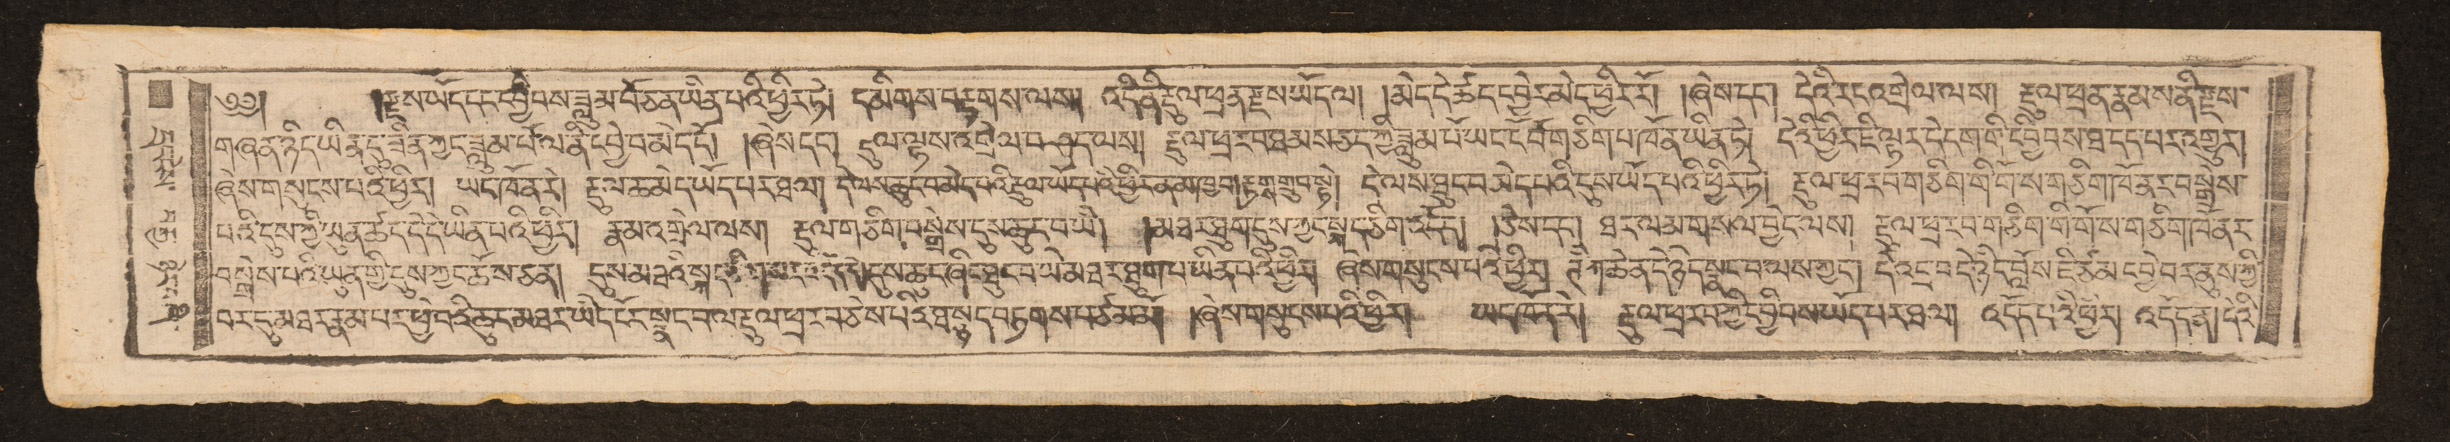༄༅། །རྫས་ཡོད་དང་དབྱིབས་ཟླུམ་པོ་ཅན་ཡིན་པའི་ཕྱིར་ཏེ། དམིགས་བརྟགས་ལས། འདི་ནི་རྡུལ་ཕྲན་རྫས་ཡོད་ལ། །མེད་དེ་ཚད་དབྱེར་མེད་ཕྱིར་རོ། །ཞེས་དང་། དེའི་རང་འགྲེལ་ལས། རྡུལ་ཕྲན་རྣམས་ནི་རྫས་
གཞན་ཉིད་ཡིན་དུ་ཟིན་ཀྱང་ཟླུམ་པོ་ལ་ནི་དབྱེ་བ་མེད་དོ། །ཞེས་དང་། རྡུལ་ལྷས་འབྲེལ་བཤད་ལས། རྡུལ་ཕྲ་རབ་ཐམས་ཅད་ཀྱི་ཟླུམ་པོ་ཡང་ངོ་བོ་གཅིག་པ་ཁོ་ན་ཡིན་ཏེ། དེའི་ཕྱིར་ཇི་ལྟར་དེ་དག་གི་དབྱིབས་ཐ་དད་པར་འགྱུར།
ཞེས་གསུངས་པའི་ཕྱིར། ཡང་ཁོ་ན་རེ། རྡུལ་ཆ་མེད་ཡོད་པར་ཐལ། དེ་ལས་ཆུང་བ་མེད་པའི་རྡུལ་ཡོད་པའི་ཕྱིར་ན་མ་ཁྱབ། རྟགས་གྲུབ་སྟེ། དེ་ལས་ཐུང་བ་མེད་པའི་དུས་ཡོད་པའི་ཕྱིར་ཏེ། རྡུལ་ཕྲ་རབ་གཅིག་གི་གོ་ས་གཅིག་ཁོ་ནར་བསྒྲེས་
པའི་དུས་ཀྱི་ཡུན་ཚད་དེ་དེ་ཡིན་པའི་ཕྱིར། རྣམ་འགྲེལ་ལས། རྡུལ་གཅིག་བསྒྲས་དུས་ཆུང་བ་ཡི། །མཐར་ཐུག་དུས་ཀྱང་སྐད་ཅིག་འདོད། །ཅེས་དང་། ཐར་ལམ་གསལ་བྱེད་ལས། རྡུལ་ཕྲ་རབ་གཅིག་གི་གོ་ས་གཅིག་ཁོ་ནར་
བསྒྲེས་པའི་ཡུན་གྱི་དུས་ཀྱང་ཆོས་ཅན། དུས་མཐའི་སྐད་ཅིག་མར་འདོད་དེ། དུས་ཆུང་ཞིང་ཐུང་བ་ཡི་མཐར་ཐུག་པ་ཡིན་པའི་ཕྱིར། ཞེས་གསུངས་པའི་ཕྱིར། ཊིཀ་ཆེན་དེ་ཉིད་སྣང་བ་ལས་ཀྱང་། དེ་འདྲ་བ་དེ་ཉིད་བློས་ཇི་ཙམ་དབྱེ་བར་ནུས་ཀྱི་
བར་དུ་མཐར་རྣམ་པར་ཕྱེ་བའི་ཆུང་མཐར་ཡིད་ངོར་སྣང་བ་ལ་རྡུལ་ཕྲ་རབ་ཅེས་པའི་ཐ་སྙད་བཏགས་པ་ཙམ་མོ། །ཞེས་གསུངས་པའི་ཕྱིར། ཡང་ཁོ་ན་རེ། རྡུལ་ཕྲ་རབ་ཀྱི་དབྱིབས་ཡོད་པར་ཐལ། འདོད་པའི་ཕྱིར། འདོད་ན། དེའི་